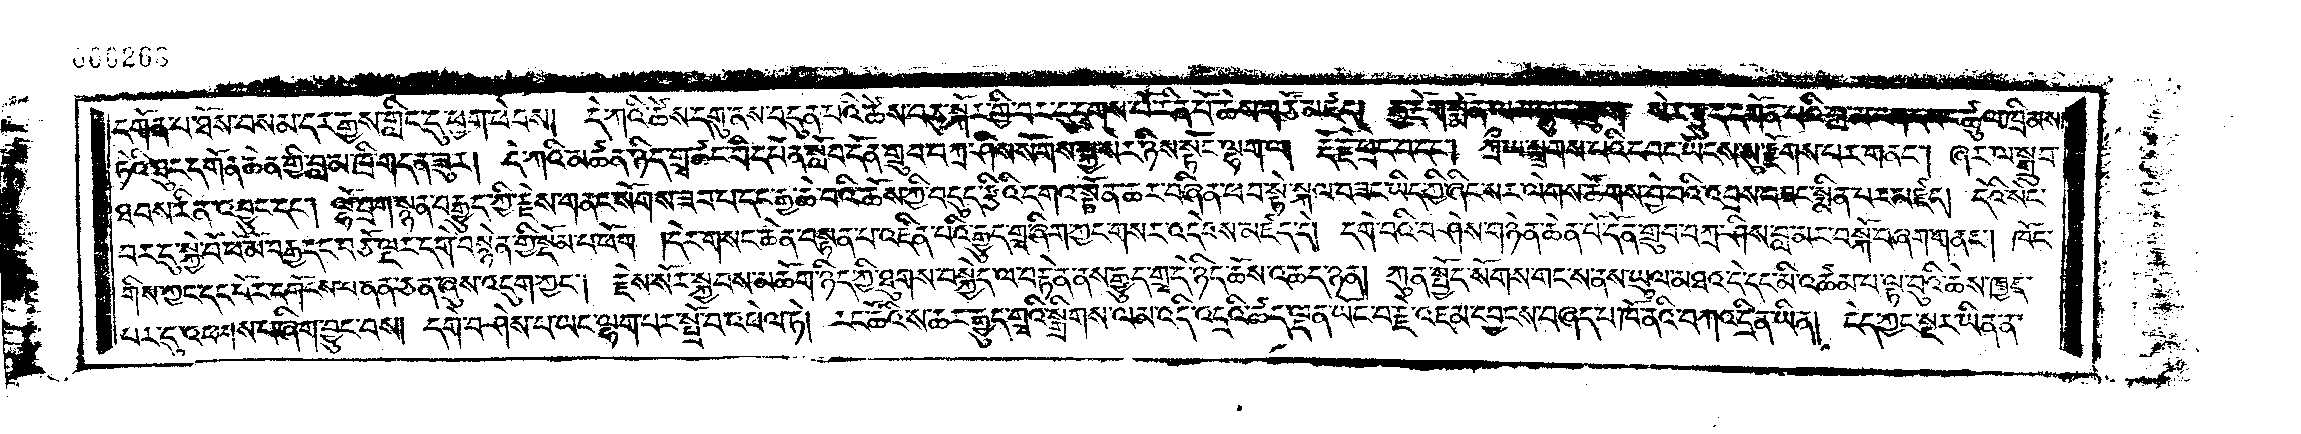དགོན་པ་ཐོས་བསམ་དར་རྒྱས་གླིང་དུ་ཕྱག་ཕེབས། དེ་ཀའི་ཚེས་དགུ་ནས་བདུན་པའི་ཚེས་བཅུ་སྐོར་གྱི་བར་དུ་དྭགས་པོ་རིན་པོ་ཆེས་གཙོ་མཛད། རྒྱ་རྡོག་སྨོན་ལམ་ལྷུན་གྲུབ། སེར་རྩུད་དགོན་པའི་བླ་མ་ངག་དབང་ཚུལ་ཁྲིམས་
ཏེའི་ཐུང་དགོན་ཆེན་གྱི་བླ་མ་ཁྲི་གདན་ཟུར། དེ་ཀའི་མཚན་ཉིད་བླ་ཚང་གི་དཔོན་སློབ་དོན་གྲུབ་བཀྲ་ཤིས་སོགས་སྐྱ་སེར་ཉིས་སྟོང་ལྷག་ལ། རྡོ་རྗེ་ཕྲེང་བ་དང་། ཀྲྀ་ཡ་སྦྲགས་པའི་དབང་ཡོངས་སུ་རྫོགས་པར་གནང་། ཞར་ལ་སྒྲུབ་
ཐབས་རིན་འབྱུང་དང་། ལྷོ་བྲག་སྙན་བརྒྱུད་ཀྱི་རྗེས་གནང་སོགས་ཟབ་པ་དང་རྒྱ་ཆེ་བའི་ཆོས་ཀྱི་བདུད་རྩིའི་དགའ་སྟོན་ཆར་བཞིན་ཕབ་སྟེ་སྐལ་བཟང་ཡིད་ཀྱི་ཞིང་སར་ལེགས་ཚོགས་བྱེ་བའི་འབྲས་བཟང་སྨིན་པར་མཛད། དེའི་སེང་
བར་དུ་སྐྱེ་བོ་ཕོ་མོ་བརྒྱ་དང་བཅོ་ལྔར་དགེ་བསྙེན་གྱི་སྡོམ་པ་ཕོག །དེར་གསང་ཆེན་བསྟན་པ་འཛིན་པའི་རྒྱུད་གྲྭ་ཞིག་ཀྱང་གསར་འདེབས་མཛད་དེ། དགེ་བའི་བཤེས་གཉེན་ཆེན་པོ་དོན་གྲུབ་བཀྲ་ཤིས་བླ་མར་བསྐོ་བཞག་གནང་། ཁོང་
གིས་ཀྱང་དང་པོར་དགོངས་པ་ནན་ཅན་ཞུས་འདུག་ཀྱང་། རྗེས་སོང་སྐྱབས་མཆོག་ཉིད་ཀྱི་ཐུགས་བསྐྱེད་ལ་བརྟེན་ནས་རྒྱུད་གྲྭ་དེ་ཉིད་ཆོས་འཆད་ཉན། ཀུན་སྤྱོད་སོགས་གང་ས་ནས་ཡུལ་མཐའ་དེ་དང་མི་འཚམ་པ་ལྟ་བུའི་ཆེས་ཁྱད་
པར་དུ་འཕགས་པ་ཞིག་བྱུང་བས། དགེ་བཤེས་པ་ཡང་ལྷག་པར་སྤྲོ་བ་འཕེལ་ཏེ། རང་ཚོའི་ས་ཆར་རྒྱུད་གྲྭའི་སྒྲིགས་ལམ་འདི་འདྲའི་ཚད་ལྡན་ཡོང་བ་རྗེ་འཇམ་དབྱངས་བཞད་པ་ཁོ་ནའི་བཀའ་དྲིན་ཡིན། ངེད་ཀྱང་སྔར་ཡིན་ན་